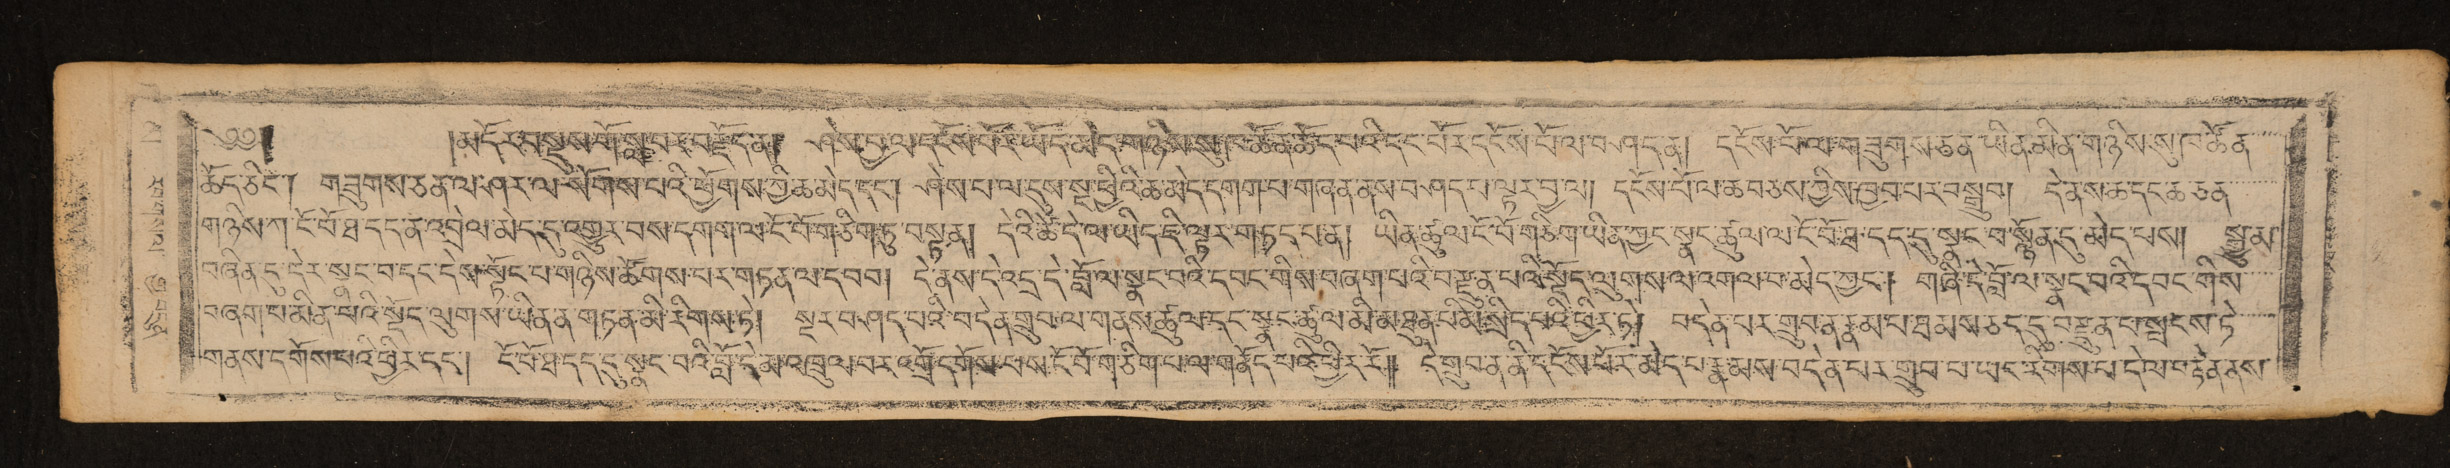༄༅། །མདོར་བསྡུས་གོ་སླ་བར་བརྗོད་ན། ཤེས་བྱ་ལ་དངོས་པོར་ཡོད་མེད་གཉིས་སུ་ཁ་ཚོན་ཆོད་པའི་དང་པོར་དངོས་པོ་ལ་བཤད་ན། དངོས་པོ་ལ་གཟུགས་ཅན་ཡིན་མིན་གཉིས་སུ་ཁ་ཚོན་
ཆོད་ཅིང་། གཟུགས་ཅན་ལ་ཤར་ལ་སོགས་པའི་ཕྱོགས་ཀྱི་ཆ་མེད་དང་། ཤེས་པ་ལ་དུས་སྔ་ཕྱིའི་ཆ་མེད་དགག་པ་གཞན་ནས་བཤད་པ་ལྟར་བྱ་ལ། དངོས་པོ་ལ་ཆ་བཅས་ཀྱིས་ཁྱབ་པར་བསྒྲུབ། དེ་ནས་ཆ་དང་ཆ་ཅན་
གཉིས་ཀ་ངོ་བོ་ཐ་དད་ན་འབྲེལ་མེད་དུ་འགྱུར་བས་དགག་ལ་ངོ་བོ་གཅིག་ཏུ་བསྟན། དེའི་ཚེ་དེ་ལ་ཡིད་ཇི་ལྟར་གཏད་པ་ན། ཡིན་ཚུལ་ངོ་བོ་གཅིག་ཡིན་ཀྱང་སྣང་ཚུལ་ལ་ངོ་བོ་ཐ་དད་དུ་སྣང་བ་སྙོན་དུ་མེད་པས། སྒྱུ་མ་
བཞིན་དུ་དེར་སྣང་བ་དང་དེས་སྟོང་པ་གཉིས་ཚོགས་པར་གཏན་ལ་དབབ། དེ་ནས་དེ་འདྲ་དེ་བློ་ལ་སྣང་བའི་དབང་གིས་བཞག་པའི་བརྫུན་པའི་སྡོད་ལུགས་ལ་འགལ་བ་མེད་ཀྱང་། གཞི་དེ་བློ་ལ་སྣང་བའི་དབང་གིས་
བཞག་པ་མིན་པའི་སྡོད་ལུགས་ཡིན་ན་གཏན་མི་རིགས་ཏེ། སྔར་བཤད་པའི་བདེན་གྲུབ་ལ་གནས་ཚུལ་དང་སྣང་ཚུལ་མི་མཐུན་པ་མི་སྲིད་པའི་ཕྱིར་ཏེ། བདེན་པར་གྲུབ་ན་རྣམ་པ་ཐམས་ཅད་དུ་བརྫུན་པ་སྤངས་ཏེ་
གནས་དགོས་པའི་ཕྱིར་དང་། ངོ་བོ་ཐ་དད་དུ་སྣང་བའི་བློ་དེ་མ་འཁྲུལ་བར་འགྲོ་དགོས་པས་ངོ་བོ་གཅིག་པ་ལ་གནོད་པའི་ཕྱིར་རོ།། དེ་གྲུབ་ན་ནི་དངོས་པོར་མེད་པ་རྣམས་བདེན་པར་གྲུབ་པ་ཡང་རིགས་པ་དེ་ལ་བརྟེན་ནས་